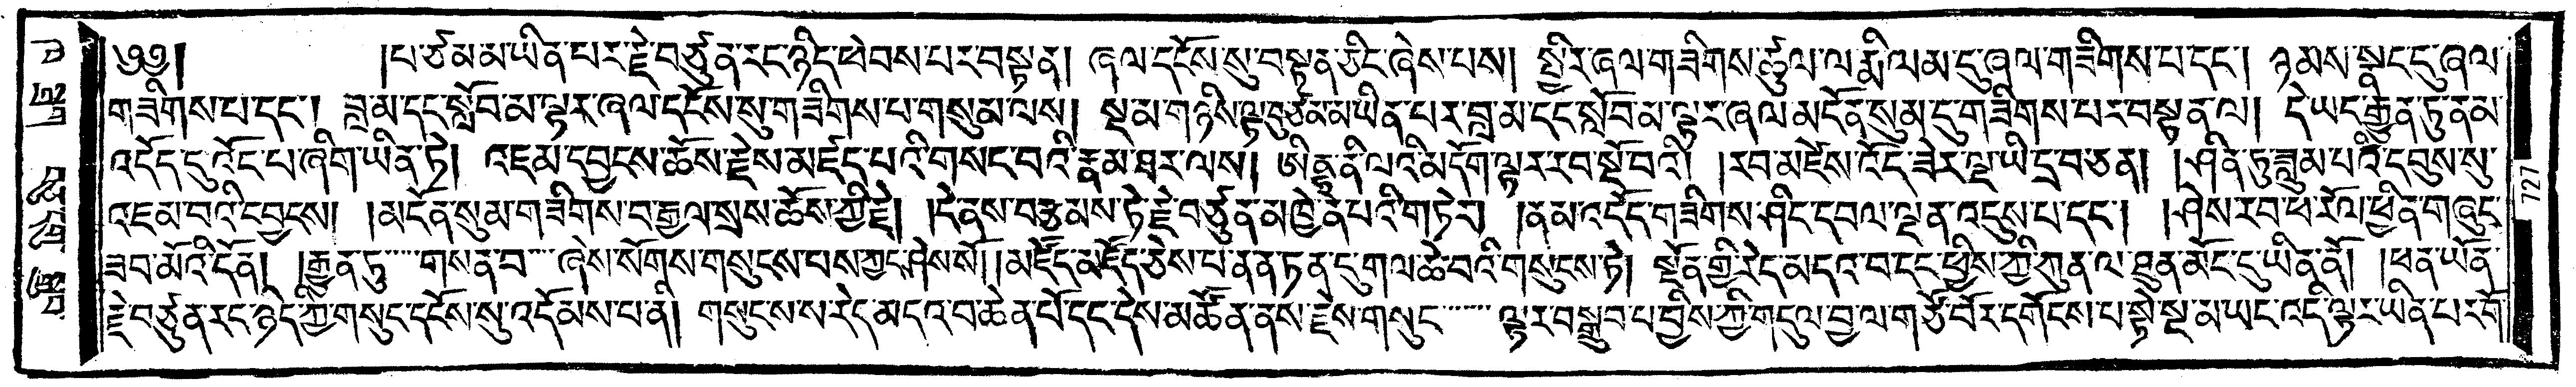༄༅། །པ་ཙམ་མ་ཡིན་པར་རྗེ་བཙུན་རང་ཉིད་ཕེབས་པར་བསྟན། ཞལ་དངོས་སུ་བསྟན་ཅིང་ཞེས་པས། སྤྱིར་ཞལ་གཟིགས་ཚུལ་ལ་རྨི་ལམ་དུ་ཞལ་གཟིགས་པ་དང་། ཉམས་སྣང་དུ་ཞལ་
གཟིགས་པ་དང་། བླ་མ་དང་སློབ་མ་ལྟར་ཞལ་དངོས་སུ་གཟིགས་པ་གསུམ་ལས། སྔ་མ་གཉིས་ལྟ་བུ་ཙམ་མ་ཡིན་པར་བླ་མ་དང་སློབ་མ་ལྟར་ཞལ་མངོན་སུམ་དུ་གཟིགས་པར་བསྟན་ལ། དེ་ཡང་རྒྱུན་ཏུ་ནམ་
འདོད་དུ་འོང་པ་ཞིག་ཡིན་ཏེ། འཇམ་དབྱངས་ཆོས་རྗེས་མཛད་པའི་གསང་བའི་རྣམ་ཐར་ལས། ཨིནྟྲ་ནི་ལའི་མདོག་ལྟར་རབ་སྔོ་བའི། །རབ་མཛེས་འོད་ཟེར་ལྔ་ཡི་དྲ་བ་ཅན། །ཤིན་ཏུ་ཟླུམ་པའི་དབུས་སུ་
འཇམ་པའི་དབྱངས། །མངོན་སུམ་གཟིགས་བརྒྱལ་སྲས་ཆོས་ཀྱི་རྗེ། །དེ་ནས་བརྩམས་ཏེ་རྗེ་བཙུན་མཁྱེན་པའི་གཏེར། །ནམ་འདོད་གཟིགས་ཤིང་དཔལ་ལྡན་འདུས་པ་དང་། །ཤེས་རབ་ཕ་རོལ་ཕྱིན་གཞུང་
ཟབ་མོའི་དོན། །རྒྱུན་ཏུ་གསན་བ་ཞེས་སོགས་གསུངས་པས་ཀྱང་ཤེས་སོ། །མཛོད་མཛོད་ཅེས་པ་ནན་ཏན་དུ་གལ་ཆེ་བའི་གསུངས་ཏེ། སྔོན་གྱི་རེད་མདའ་བ་དང་ཕྱིས་ཀྱི་ཀུན་ལ་ཐུན་མོང་དུ་ཡིན་ནོ། །ཕན་ཡོན་
རྗེ་བཙུན་རང་ཉིད་ཀྱི་གསུང་དངོས་སུ་འདོམས་པ་ནི། གསུངས་ས་རེད་མདའ་བ་ཆེན་པོ་དང་དེས་མཚོན་ནས་རྗེས་གསུང་ལྟར་བསྒྲུབ་པ་བྱིས་ཀྱི་གདུལ་བྱ་ལ་གཙོ་བོར་དགོངས་པ་སྟེ་སྔ་མ་ཡང་འདི་ལྟར་ཡིན་པར་གོ་